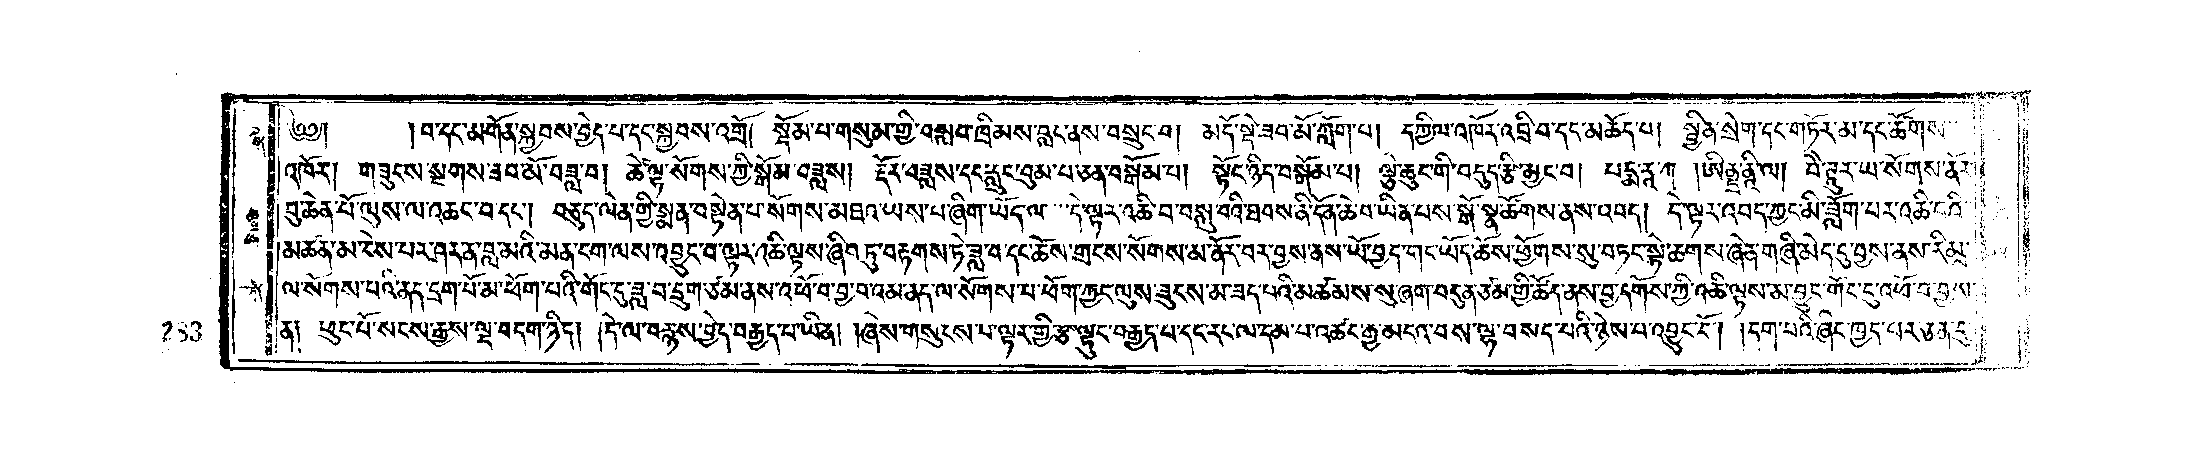༄༅། །བ་དང་མགོན་སྐྱབས་བྱེད་པ་དང་སྐྱབས་འགྲོ། སྡོམ་པ་གསུམ་གྱི་བསླབ་ཁྲིམས་བླང་ནས་བསྲུང་བ། མདོ་སྡེ་ཟབ་མོ་ཀློག་པ། དཀྱིལ་འཁོར་འབྲི་བ་དང་མཆོད་པ། སྦྱིན་སྲེག་དང་གཏོར་མ་དང་ཚོགས་
འཁོར། གཟུངས་སྔགས་ཟབ་མོ་བཟླ་བ། ཚེ་ལྷ་སོགས་ཀྱི་སྒོམ་བཟླས། རྡོར་བཟླས་དང་རླུང་བུམ་པ་ཅན་བསྒོམ་པ། སྟོང་ཉིད་བསྒོམ་པ། ལྕེ་ཆུང་གི་བདུད་རྩི་མྱང་བ། པདམ་རཱ་ཀ །ཨིནྡྲ་ནཱི་ལ། བཻཌཱུར་ཡ་སོགས་ནོར་
བུ་ཆེན་པོ་ལུས་ལ་འཆང་བ་དང་། བཅུད་ལེན་གྱི་སྨན་བསྟེན་པ་སོགས་མཐའ་ཡས་པ་ཞིག་ཡོད་ལ་དེ་ལྟར་འཆི་བ་བསླུ་བའི་ཐབས་ནི་དོན་ཆེ་བ་ཡིན་པས་སྒོ་སྣ་ཚོགས་ནས་འབད། དེ་ལྟར་འབད་ཀྱང་མི་ཟློག་པར་འཆི་བའི་
མཚན་མ་ངེས་པར་ཤར་ན་བླ་མའི་མན་ངག་ལས་འབྱུང་བ་ལྟར་འཆི་ལྟས་ཞིབ་ཏུ་བརྟགས་ཏེ་ཟླ་བ་དང་ཆོས་གྲངས་སོགས་མ་ནོར་བར་བྱས་ནས་ཡོ་བྱད་གང་ཡོད་ཆོས་ཕྱོགས་སུ་བཏང་སྟེ་ཆགས་ཞེན་གཞི་མེད་དུ་བྱས་ནས་རིམས་
ལ་སོགས་པའི་ནད་དྲག་པོ་མ་ཕོག་པའི་གོང་དུ་ཟླ་བ་དྲུག་ཙམ་ནས་འཕོ་བ་བྱ་བའམ་ནད་ལ་སོགས་པ་ཕོག་ཀྱང་ལུས་ཟུངས་མ་ཟད་པའི་མཚམས་སུ་ཞག་བདུན་ཙམ་གྱི་ཚོད་ནས་བྱ་དགོས་ཀྱི་འཆི་ལྟས་མ་བྱུང་གོང་དུ་འཕོ་བ་བྱས་
ན། ཕུང་པོ་སངས་རྒྱས་ལྔ་བདག་ཉིད། །དེ་ལ་བརྙས་བྱེད་བརྒྱད་པ་ཡིན། །ཞེས་གསུངས་པ་ལྟར་གྱི་རྩ་ལྟུང་བརྒྱད་པ་དང་རང་ལ་དམ་པ་འཚང་རྒྱ་མངའ་བས་ལྷ་བསད་པའི་ཉེས་པ་འབྱུང་ངོ། །དག་པའི་ཞིང་ཁྱད་པར་ཅན་དུ་